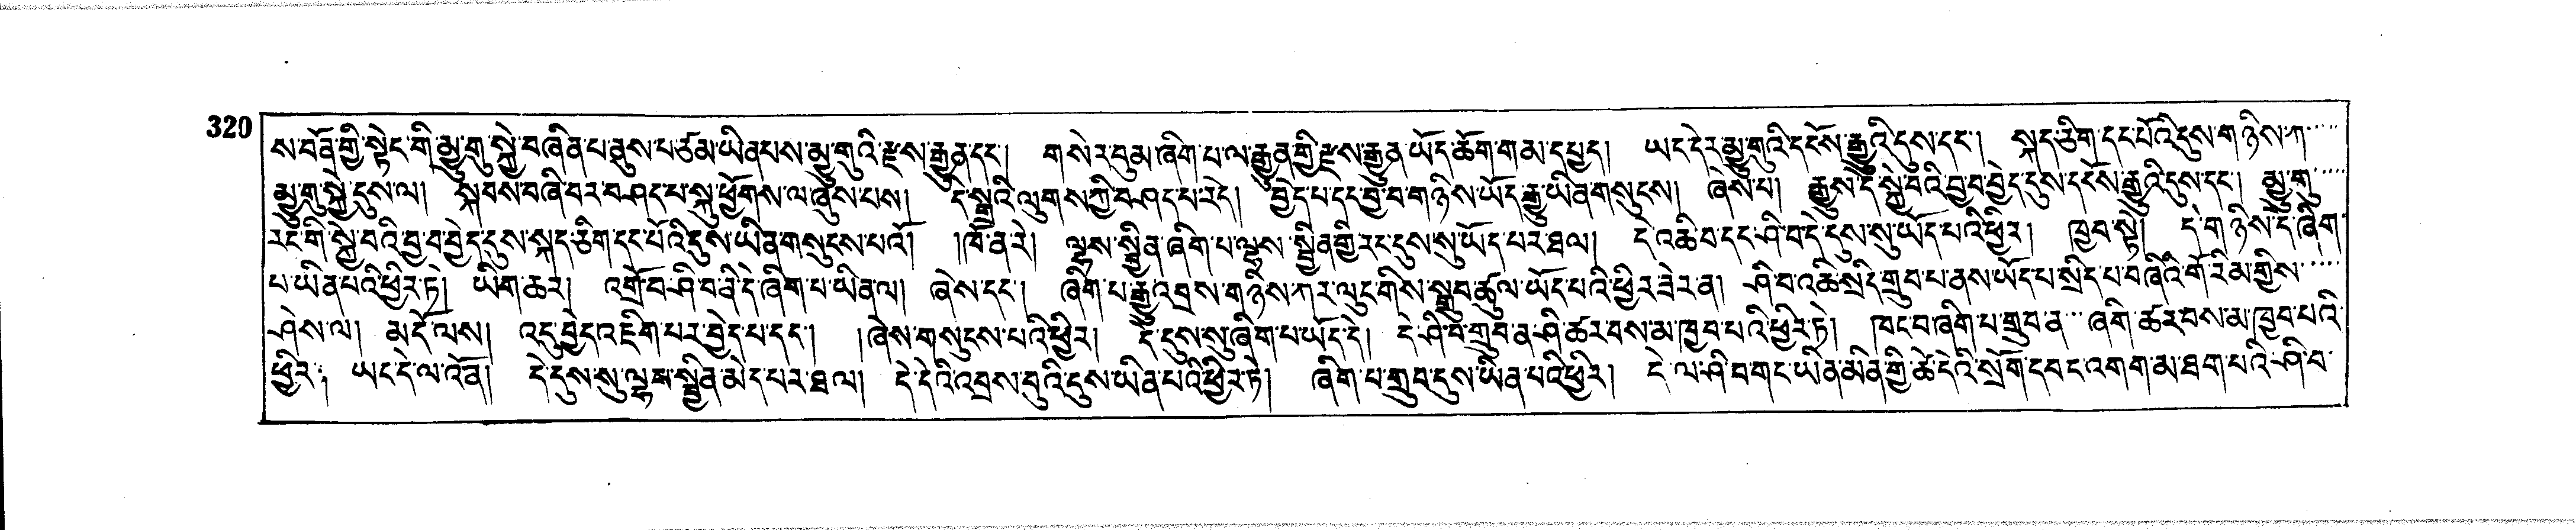ས་བོན་གྱི་སྟེང་གི་མྱུ་གུ་སྐྱེ་བཞིན་པ་ནུས་པ་ཙམ་ཡིན་པས་མྱུ་གུའི་རྫས་རྒྱུན་དང་། གསེར་བུམ་ཞིག་པ་ལ་རྒྱུན་གྱི་རྫས་རྒྱུན་ཡོད་ཆོག་གམ་དཔྱད། ཡང་དེར་མྱུ་གུའི་དངོས་རྒྱུའི་དུས་དང་། སྐད་ཅིག་དང་པོའི་དུས་གཉིས་ཀ་
མྱུ་གུ་སྐྱེ་དུས་ལ། སྐབས་བཞི་བར་བཤད་པ་སྐུ་ཕྱོགས་ལ་ཞུས་པས། དེ་སྒྲའི་ལུགས་ཀྱི་བཤད་པ་རེད། བྱེད་པ་དང་བྱ་བ་གཉིས་ཡོད་རྒྱུ་ཡིན་གསུངས། ཞེས་པ། རྒྱུས་དེ་སྐྱེ་བའི་བྱ་བ་བྱེད་དུས་དངོས་རྒྱུའི་དུས་དང་། མྱུ་གུ་
རང་གི་སྐྱེ་བའི་བྱ་བ་བྱེད་དུས་སྐད་ཅིག་དང་པོའི་དུས་ཡིན་གསུངས་པའོ། །ཁོ་ན་རེ། ལྷས་སྦྱིན་ཞིག་པ་ལྷས་སྦྱིན་གྱི་རང་དུས་སུ་ཡོད་པར་ཐལ། དེ་འཆི་བ་དང་ཤི་བ་དེ་དུས་སུ་ཡོད་པའི་ཕྱིར། ཁྱབ་སྟེ། དེ་གཉིས་དེ་ཞིག་
པ་ཡིན་པའི་ཕྱིར་ཏེ། ཡིག་ཆར། འགྲོ་བ་ཤི་བ་ནི་དེ་ཞིག་པ་ཡིན་ལ། ཞེས་དང་། ཞིག་པ་རྒྱུ་འབྲས་གཉིས་ཀར་ལུང་གིས་སྒྲུབ་ཚུལ་ཡོད་པའི་ཕྱིར་ཟེར་ན། ཤི་བ་འཆི་སྲིད་གྲུབ་པ་ནས་ཡོད་པ་སྲིད་པ་བཞིའི་གོ་རིམ་གྱིས་
ཤེས་ལ། མདོ་ལས། འདུ་བྱེད་འཇིག་པར་བྱེད་པ་དང་། །ཞེས་གསུངས་པའི་ཕྱིར། དེ་དུས་སུ་ཞིག་པ་ཡོད་དེ། དེ་ཤི་བ་གྲུབ་ན་ཤི་ཚར་བས་མ་ཁྱབ་པའི་ཕྱིར་ཏེ། ཁང་པ་ཞིག་པ་གྲུབ་ན་ཞིག་ཚར་བས་མ་ཁྱབ་པའི་
ཕྱིར༑ ཡང་དེ་ལ་འོ་ན། དེ་དུས་སུ་ལྷས་སྦྱིན་མེད་པར་ཐལ། དེ་དེའི་འབྲས་བུའི་དུས་ཡིན་པའི་ཕྱིར་ཏེ། ཞིག་པ་གྲུབ་དུས་ཡིན་པའི་ཕྱིར། དེ་ལ་ཤི་བ་གང་ཡིན་མིན་གྱི་ཚེ་དེའི་སྲོག་དབང་འགག་མ་ཐག་པའི་ཤི་བ་